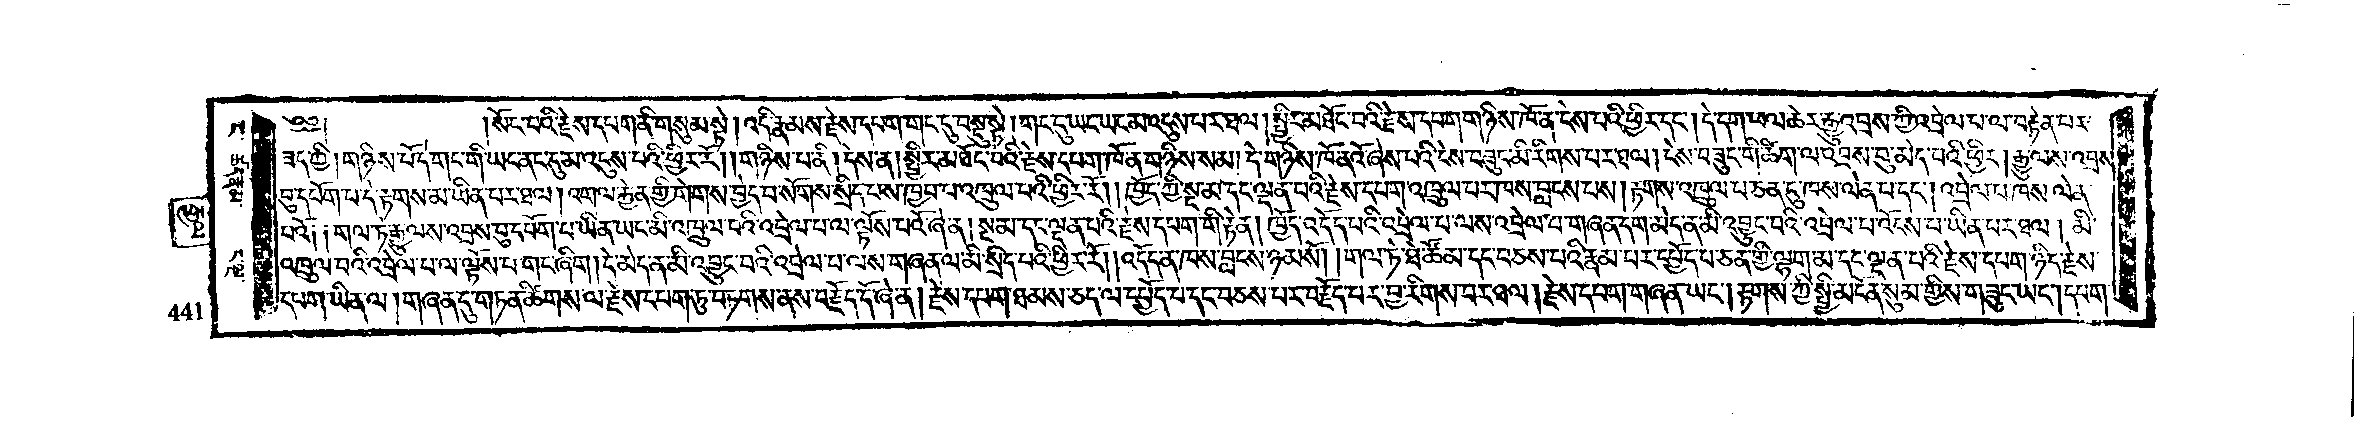༄༅། །སོང་པའི་རྗེས་དཔག་ནི་གསུམ་སྟེ། འདི་རྣམས་རྗེས་དཔག་གང་དུ་བསྡུ་སྟེ། གང་དུ་ཡང་ཡང་མ་འདུས་པར་ཐལ། སྤྱིར་མཐོང་བའི་རྗེས་དཔག་གཉིས་ཁོ་ན་ངེས་པའི་ཕྱིར་དང་། དེ་དག་ཕལ་ཆེར་རྒྱུ་འབྲས་ཀྱི་འབྲེལ་པ་ལ་བརྟེན་པར་
ཟད་ཀྱི། གཉིས་པོ་དེ་གང་གི་ཡང་ནང་དུ་མ་འདུས་པའི་ཕྱིར་རོ། །གཉིས་པ་ནི། དེས་ན། དཔྱིར་མཐོང་བའི་རྗེས་དཔག་ཁོ་ན་གཉིས་སམ། དེ་གཉིས་ཁོ་ནའོ་ཞེས་པའི་ངེས་བཟུང་མི་རིགས་པར་ཐལ། ངེས་བཟུང་གི་ཚིག་ལ་འབྲས་བུ་མེད་པའི་ཕྱིར། རྒྱུ་ལས་འབྲས་
བུ་དཔོག་པ་དེ་རྟགས་མ་ཡིན་པར་ཐལ། འགལ་རྐྱེན་གྱི་གེགས་བྱེད་པ་སོགས་སྲིད་པས་ཁྱབ་པ་འཁྲུལ་པའི་ཕྱིར་རོ། །ཁྱོད་ཀྱི་སྔ་མ་དང་ལྡན་པའི་རྗེས་དཔག་འཁྲུལ་པར་ཁས་བླངས་པས། རྟགས་འཁྲུལ་པ་ཅན་དུ་ཁས་ལེན་པ་དང་། འབྲེལ་པ་ཁས་ལེན་
པའོ༑ ༑གལ་ཏེ་རྒྱུ་ལས་འབྲས་བུ་དཔོག་པ་ཡིན་ཡང་མི་འཁྲུལ་པའི་འབྲེལ་པ་ལ་ལྟོས་པའོ་ཞེ་ན། སྔ་མ་དང་ལྡན་པའི་རྗེས་དཔག་གི་རྟེན། ཁྱོད་འདོད་པའི་འབྲེལ་པ་ལས་འབྲེལ་པ་གཞན་དག་མེད་ན་མི་འབྱུང་བའི་འབྲེལ་པ་འོངས་པ་ཡིན་པར་ཐལ། མི་
འཁྲུལ་བའི་འབྲེལ་པ་ལ་ལྟོས་པ་གང་ཞིག །དེ་མེད་ན་མི་འབྱུང་བའི་འབྲེལ་པ་ལས་གཞན་ལ་མི་སྲིད་པའི་ཕྱིར་རོ། །འདོད་ན་ཁས་བླངས་ཉམས་སོ། །གལ་ཏེ་ཐེ་ཚོམ་དང་བཅས་པའི་རྣམ་པར་དཔྱོད་པ་ཅན་གྱི་ལྷག་མ་དང་ལྡན་པའི་རྗེས་དཔག་ཉིད་རྗེས་
དཔག་ཡིན་ལ། གཞན་དུ་གཏན་ཚིགས་ལ་རྗེས་དཔག་ཏུ་བཏགས་ནས་བརྗོད་དོ་ཞེ་ན། རྗེས་དཔག་ཐམས་ཅད་ལ་དཔྱོད་པ་དང་བཅས་པར་བརྗོད་པར་བྱ་རིགས་པར་ཐལ། རྗེས་དཔག་གཞན་ཡང་། རྟགས་ཀྱི་སྤྱི་མངོན་སུམ་གྱིས་གཟུང་ཡང་། དཔག་